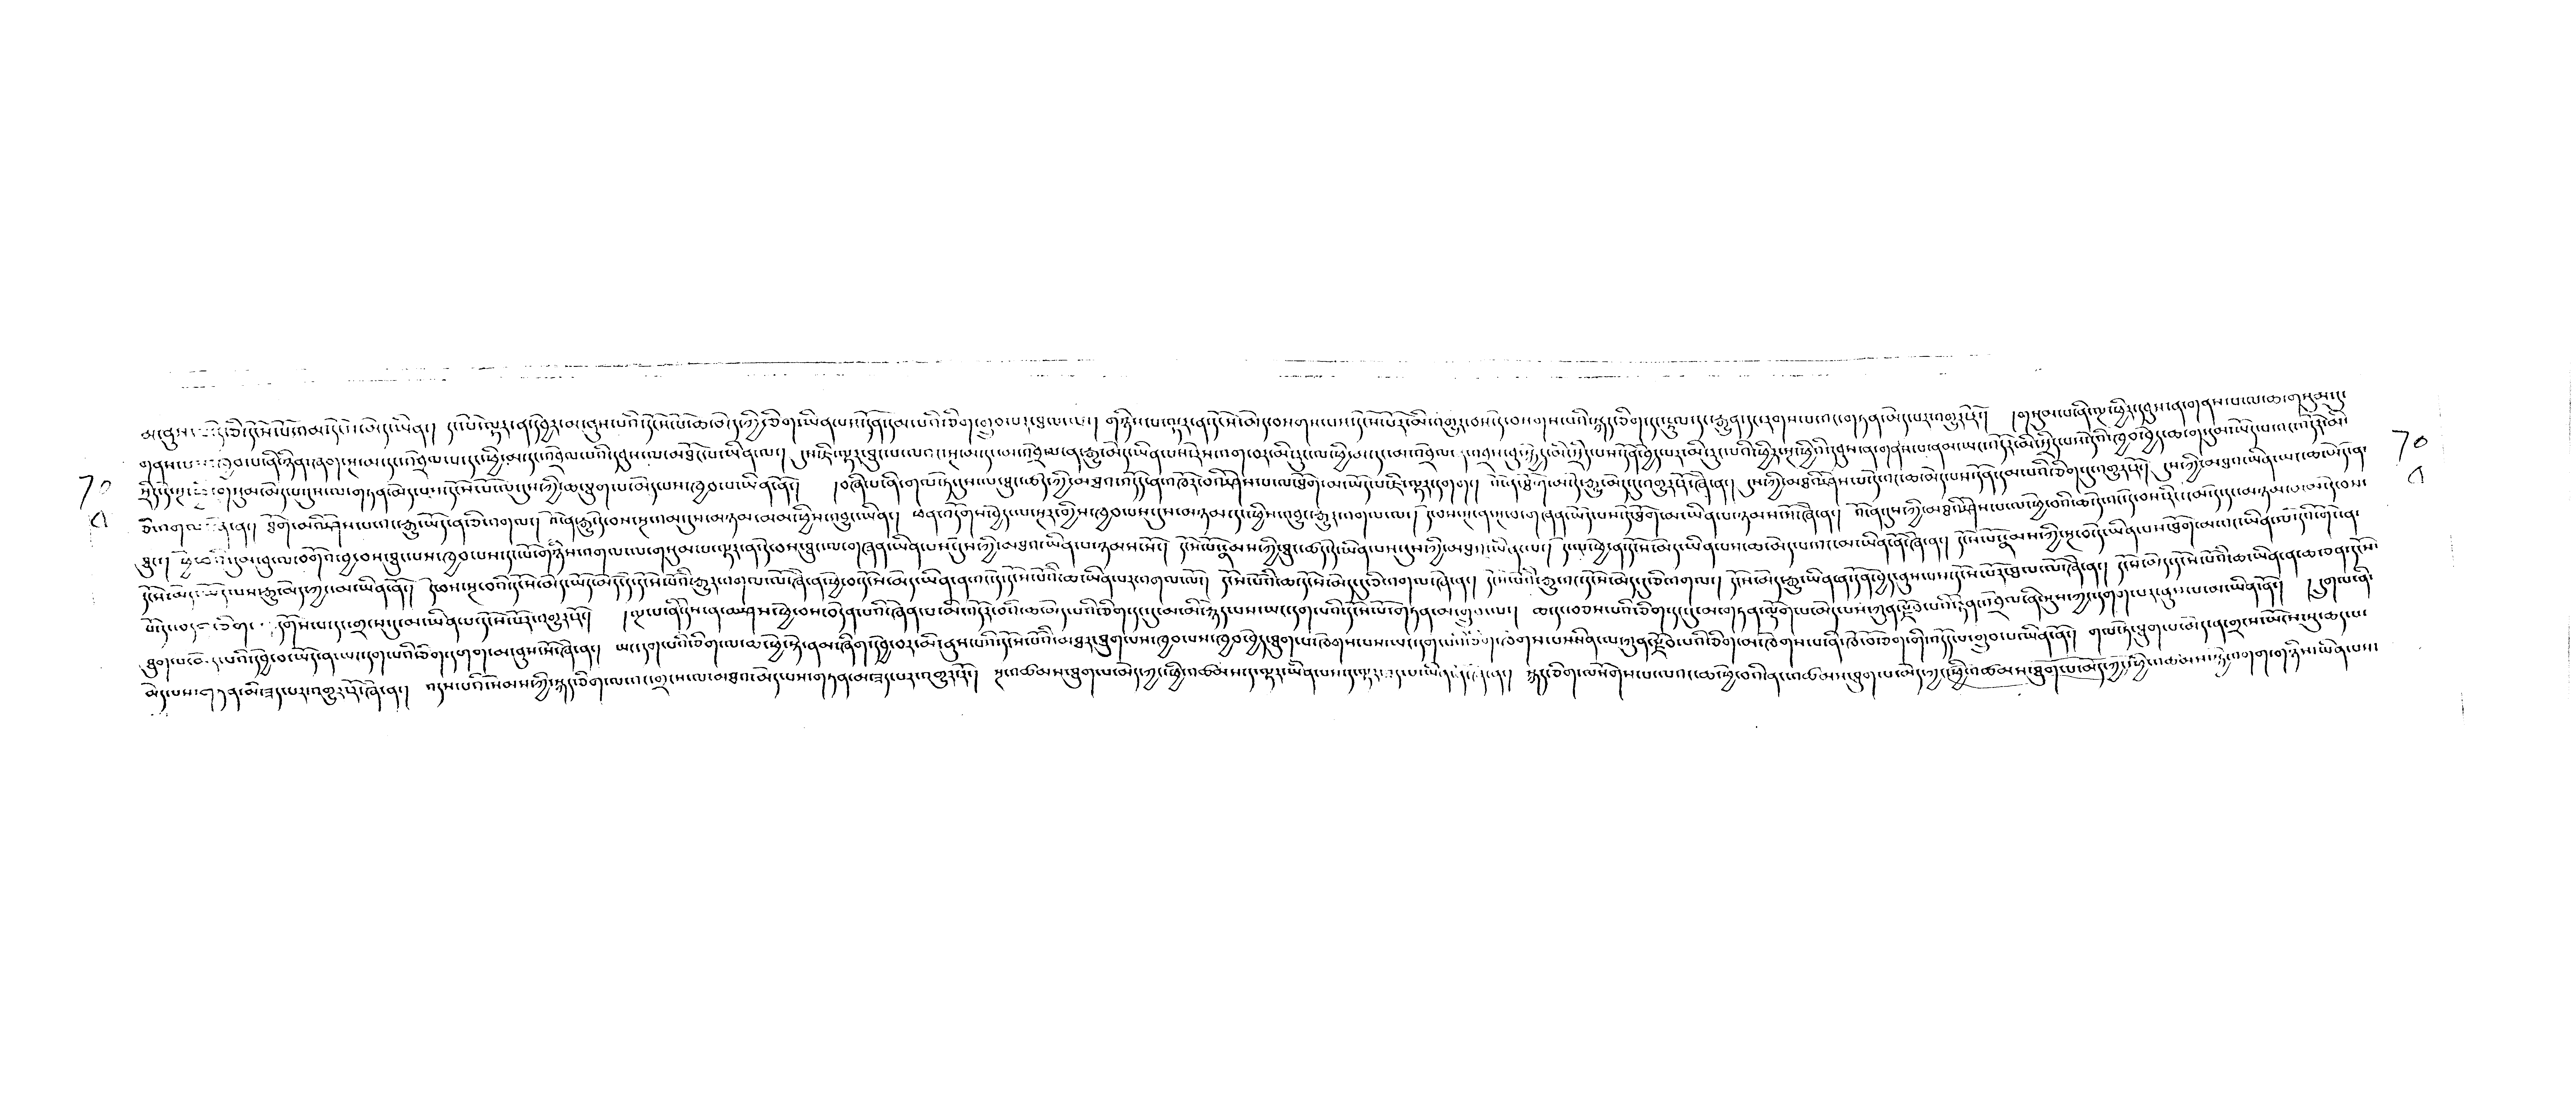མ་ནུས་པ་དེ་ཅི་དངོས་པོ་འམ་དངོས་མེད་ཡིན། དང་པོ་ལྟར་ན་དབྱེར་མ་ནུས་པའི་དངོས་པོ་ཆ་མེད་ཀྱི་ཅིག་ཡིན་པ་དང་དོན་དམ་པའི་ཅིག་གྲུབ་པར་ཐལ་ལ། གཉིས་པ་ལྟར་ན་དངོས་མེད་བསགས་པས་དངོས་པོར་མི་འགྱུར་བས་དེ་བསགས་པའི་སྐད་ཅིག་དང་རྡུལ་དང་རྒྱུན་དང་རགས་པ་འང་གཏན་མེད་པར་འགྱུར་རོ། །གསུམ་པ་ནི་ལྔ་ཕྱིར་དབུས་ན་གནས་པ་ལ་ཆ་གསུམ་དུ་
གནས་པས་ཁྱབ་པ་ནི་ཉིན་ཞག་སྔ་མ་དང་འབྲེལ་པ་དང་ཕྱི་མ་དང་འབྲེལ་པའི་དབུས་ལ་མཐོང་པ་ཡིན་ལ། དུས་ཇི་ལྟར་ཐུང་པ་ལའང་སྔ་མ་དང་མ་འབྲེལ་ན་རྒྱུ་མེད་ཡིན་པས་རེས་འག་བར་མི་རུང་ལ་ཕྱི་མ་དང་མ་འབྲེལ་ན་འབྲས་བུ་སྐྱེད་མི་སྲིད་པས་དོན་བྱེད་པར་མི་རུང་པའི་ཕྱིར་སྔ་ཕྱིའི་དབུས་ན་གནས་པ་ནམ་ཡང་འདོར་མི་སྲིད་པ་དེའི་ཁྱབ་བྱེད་ཆ་གསུམ་ཡོད་པ་འང་འདོར་མི་
སྲིད་དེ་སྔ་ཕྱི་གསུམ་མེད་པ་དུས་ལ་གཏན་མེད་པས་དངོས་པོ་ལ་དུས་ཀྱི་ཆ་ཐུག་པ་མེད་པས་ཁྱབ་པ་ཡིན་ནོ། །བཞི་པ་ནི་གལ་ཏེ་དུས་ལ་ཐུང་ཚད་ཀྱི་མཐའ་འདོད་ན་འཁོར་བའི་ཤེས་པ་ལ་ཐོག་མ་ཡོད་པ་ཇི་ལྟར་དགག། འོ་ན་ཐོག་མ་དེ་རྒྱུ་མེད་དུ་འགྱུར་རོ་ཞེ་ན། དུས་ཀྱི་མཐའ་ཤེས་པ་དེ་འང་ཆ་མེད་པས་དོན་དམ་པའི་ཅིག་དུ་འགྱུར་རོ། དུས་ཀྱི་མཐའ་ཡིན་ཡང་ཆ་ཡོད་ན་
ཅི་འགལ་?་ན། ཐོག་མའི་ཤེས་པ་འང་རྒྱུ་ཡོད་ན་ཅི་འགལ། འོ་ན་རྒྱུ་དེ་བས་སྔ་འམ་དུས་མཉམ་མམ་ཕྱིས་འབྱུང་ཡིན། ཕན་འདོགས་བྱེད་པ་སྔར་གྱིས་ཁྱབ་པས་དུས་མཉམ་དང་ཕྱིས་འབྱུང་རྒྱུར་འགལ་ལ། དེ་བས་སྔ་ན་སྔ་བ་གཞན་ཡོད་པས་དེ་ཐོག་མ་ཡིན་པ་ཉམས་སོ་ཞེ་ན། འོ་ན་དུས་ཀྱི་མཐའི་ཤེས་པ་ལ་ཕྱེ་བའི་ཆ་དེ་འང་དེ་བས་རིང་ངམ་དེ་དང་མཉམ་བ་མ་དེ་བས་
ཐུང་། ཕྱེ་བའི་དུམ་བུ་ལ་བགོའ་བྱ་བས་ཐུང་པས་ཁྱབ་པས་དང་པོ་གཉིས་འགལ་ལ་གསུམ་པ་ལྟར་ན་དེ་བས་ཐུང་ལ་གཞན་ཡིན་པས་དུས་ཀྱི་མཐའ་ཡིན་པ་ཉམས་སོ། དངོས་པོ་རྣམས་ཀྱི་ཐུང་ཚད་དེ་ཡིན་པས་དུས་ཀྱི་མཐའ་ཡིན་ལ། དེ་ལ་ཕྱེ་ན་དངོས་མེད་ཡིན་པས་ཆ་མེད་པ་འང་མ་ཡིན་ནོ་ཞེ་ན། དངོས་པོ་རྣམས་ཀྱི་སྔ་བ་དེ་ཡིན་པས་ཐོག་མ་འང་ཡིན་ལ་དེའི་གོང་ན་
དངོས་མེད་ཡོད་པས་རྒྱུ་མེད་ཀྱང་མ་ཡིན་ནོ། དེ་བས་སྔ་བའི་དངོས་མེད་ཡོད་མོད་དེ་དངོས་པོའི་རྒྱུར་འགལ་ལོ་ཞེ་ན་ཕྱེ་བ་དངོས་མེད་ཡིན་ན་འང་དེ་དངོས་པོའི་ཆ་ཡིན་པར་འགལ་ལོ། དངོས་པོའི་ཆ་དངོས་མེད་དུ་ཅི་འགལ་ཞེ་ན། དངོས་པོའི་རྒྱུ་འང་དངོས་མེད་དུ་ཅི་འགལ། དངོས་མེད་རྒྱུ་ཡིན་ན་དོན་བྱེད་ནུས་པས་དངོས་པོར་ཐལ་ལོ་ཞེ་ན། དངོས་མེད་དངོས་པོའི་ཆ་ཡིན་ན་ཆ་ཅན་དངོས་
པོ་དང་བདག་ཅིག་དགོས་པ་དང་གྲངས་དུ་མ་ཡིན་པ་དངོས་པོར་འགྱུར་རོ། །ལྔ་པ་ནི་དེས་ན་མ་ཤས་ཕྱེ་བས་བདེན་པའི་ཞེན་པ་མི་འདོར་བའི་ཆ་མེད་པའི་ཅིག་དང་དུ་མ་མི་རྙེད་པས་ཡང་དག་པའི་དངོས་པོ་གཏན་མ་གྲུབ་ལ། ཆ་དང་བཅས་པའི་ཅིག་དང་དུ་མ་གཏན་ལྡོག་པ་མེད་པས་ཀུན་རྫོབ་པའི་རྟེན་འབྲེལ་ནི་སུས་ཀྱང་དགག་པར་ནུས་པ་མ་ཡིན་ནོ། །དྲུག་པ་ནི་
ཐུག་པ་མེད་པའི་དབྱེ་བ་ཡོད་ན་ཡང་དག་པའི་ཅིག་དགག་མ་ནུས་སོ་ཞེ་ན། ཡང་དག་པའི་ཅིག་ལ་མ་ཕྱེ་སྟེ་ནམ་ཞིག་དབྱེ་བར་མི་ནུས་པའི་དངོས་པོའི་མཐར་ཐུག་པས་ཁྱབ་པས་ཁྱབ་བྱེད་ཐུག་པ་ཁེགས་པས་ཡང་དག་པའི་ཅིག་ཁེགས་པས་ཡིན་ལ་ཀུན་རྫོབ་པའི་ཅིག་མ་ཁེགས་པ་ནི་ཁོ་བོ་ཅག་གི་འདོད་པ་གྲུབ་པ་ཡིན་ནོ། གལ་ཏེ་ཐུག་པ་མེད་ན་གྲངས་ཡོངས་སུ་ཆད་པ་
མེད་པས་གཏན་མི་ཟད་པར་འགྱུར་རོ་ཞེ་ན། འདས་པའི་སེམས་ཀྱི་སྐད་ཅིག་ལ་འང་གྲངས་ལ་མཐའ་མེད་པས་གཏན་མ་ཟད་པར་འགྱུར་རོ། སྔ་འཚམས་ཐུག་པ་མེད་ཀྱང་ཕྱི་འཚམས་ད་ལྟར་ཡིན་པས་ད་ལྟར་ཟད་པ་ཡིན་ནོ་ཞེ་ན། སྐད་ཅིག་ལ་སོགས་པ་ལའང་ཆ་ཕྱེ་བའི་ནང་འཚམས་ཐུག་པ་མེད་ཀྱང་ཕྱི་འཚམས་ཐུག་པ་མེད་ཀྱང་ཕྱི་འཚམས་སྐྱེ་འགག་གཉིས་ཡིན་པས་